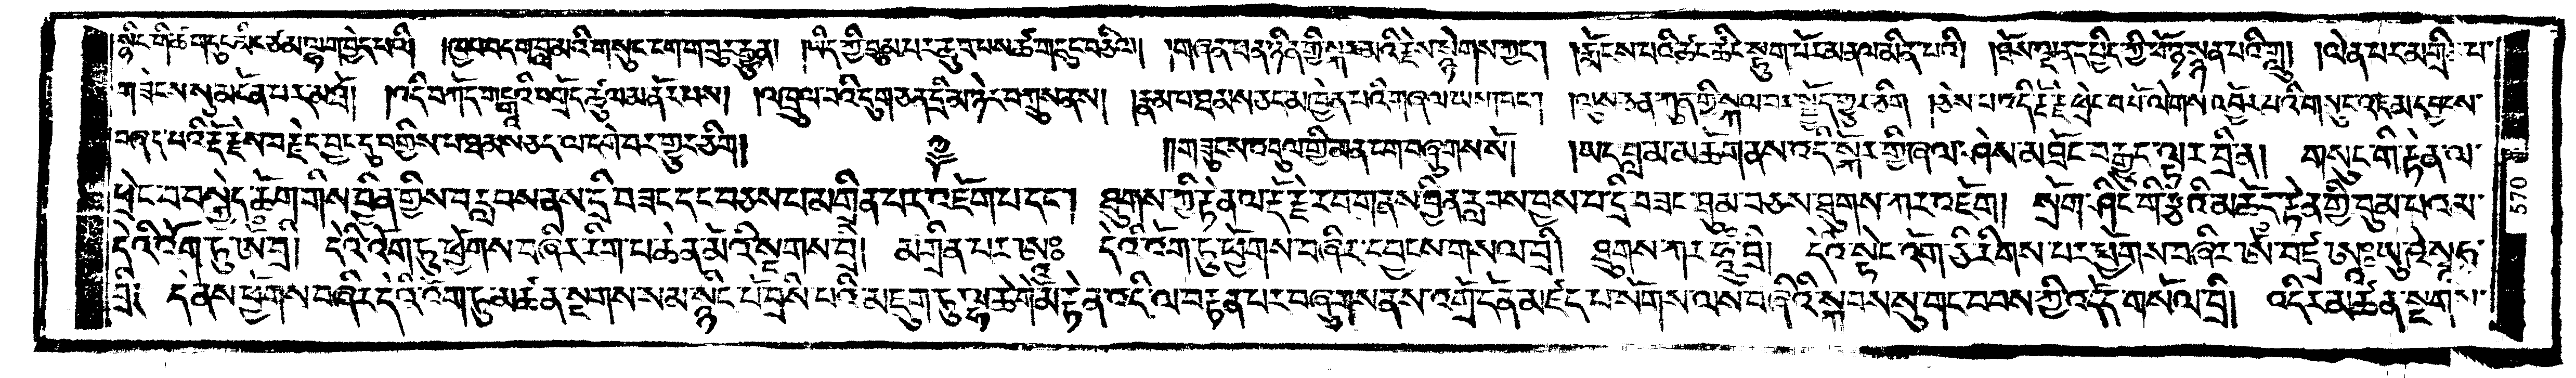སྙིང་གི་ཚ་གདུང་མིང་ཙམ་ལྷག་བྱེད་པའི། །ཁྱབ་བདག་བླ་མ་གསུང་ངག་གྦུར་རྒྱུན། །ཡིད་ཀྱི་བུམ་པར་ཆུབ་པས་ཚ་གདུངས་བཅིལ། །གཞན་པན་ཉིད་ཀྱི་སྐར་མའི་རྗེས་སྙེགས་ཀྱང་། །རྨོངས་པའི་ཚང་ཚིང་སྡུག་པོར་མན་ལ་མིན་པའི། །ཐོས་ལྡན་དཔྱིད་ཀྱི་ཕོ་ཉ་སྙན་པའི་གླུ། །ལེན་པར་མགྲིན་པ་
གཟེངས་སུ་མངོན་པར་མཐོ། །འདི་བཀོད་གངྒའི་འབྲོད་ཚུལ་མནོར་པས། །འཁྲུལ་བའི་དུག་ཅན་དྲི་མ་ཉེར་བཀྲུས་ནས། །རྣམ་པ་ཐམས་ཅད་མཁྱེན་པའི་གཞལ་ཡས་ཁང་། །ལུས་ཅན་ཀུན་གྱི་སྐལ་བར་སྤྱོད་གྱུར་ཅིག །ཅེས་པ་འདི་རྡོ་རྗེ་ཕྲེང་པ་པོ་ལེགས་འབྱོར་པའི་གསུངས་འཇམ་དབྱངས་
བཞད་པའི་རྡོ་རྗེས་བརྗེད་བྱང་དུ་བགྱིས་པ་ཐམས་ཅད་ལ་དགེ་བར་གྱུར་ཅིག། ༈ །།གཟུངས་འབུལ་གྱི་མན་ངག་བཞུགས་སོ། །ཡང་བླ་མ་མཆོག་ནས་འདི་སྐོར་གྱི་ཞལ་ཤེས་མཐོང་རྒྱུད་ལྟར་བྲི་ན། གསུང་གི་རྟེན་ལ་
ཕྲེང་བ་བསྐྱེད་ཆོག་གིས་བྱིན་གྱིས་བརླབས་ནས་དྲི་བཟང་དང་བཅས་པ་མགྲིན་པར་འཇོག་པ་དང་། ཐུགས་ཀྱི་རྟེན་ལ་རྡོ་རྗེ་རབ་གནས་བྱིན་རླབས་བྱས་པ་དྲི་བཟང་ཐུམ་བཅས་ཐུགས་ཀར་འཇོག །སྲོག་ཤིང་གི་རྩེའི་མཆོད་རྟེན་གྱི་བུམ་པའམ་
དེའི་འོག་ཏུ་ཨོཾ་བྲི། དེའི་འོག་ཏུ་ཕྱོགས་བཞིར་རིག་པ་ཆེན་མོའི་སྔགས་བྲི། མགྲིན་པར་ཨཱཿ དེའི་འོག་ཏུ་ཕྱོགས་བཞིར་དབྱངས་གསལ་བྲི། ཐུགས་ཀར་ཧཱུཾ་བྲི། དེའི་སྟེང་འོག་ཅི་རིགས་པར་ཕྱོགས་བཞིར་ཨོཾ་བཛྲ་ཨཱཿ ཡུ་ཥེ་སྭཱཧཱ་
བྲི། དེ་ནས་ཕྱོགས་བཞིར་དེའི་འོག་ཏུ་མཚན་སྔགས་སམ་སྙིང་པོ་བྲིས་པའི་འཇུག་ཏུ་ལྷ་ཆེ་གོམ་རྟེན་འདི་ལ་བརྟན་པར་བཞུགས་ནས་འགྲོ་དོན་མཛད་པ་སོགས་ལས་བཞིའི་སྐབས་སུ་གང་བབས་ཀྱི་འདོད་གསོལ་བྲི། འདིར་མཚན་སྔགས་